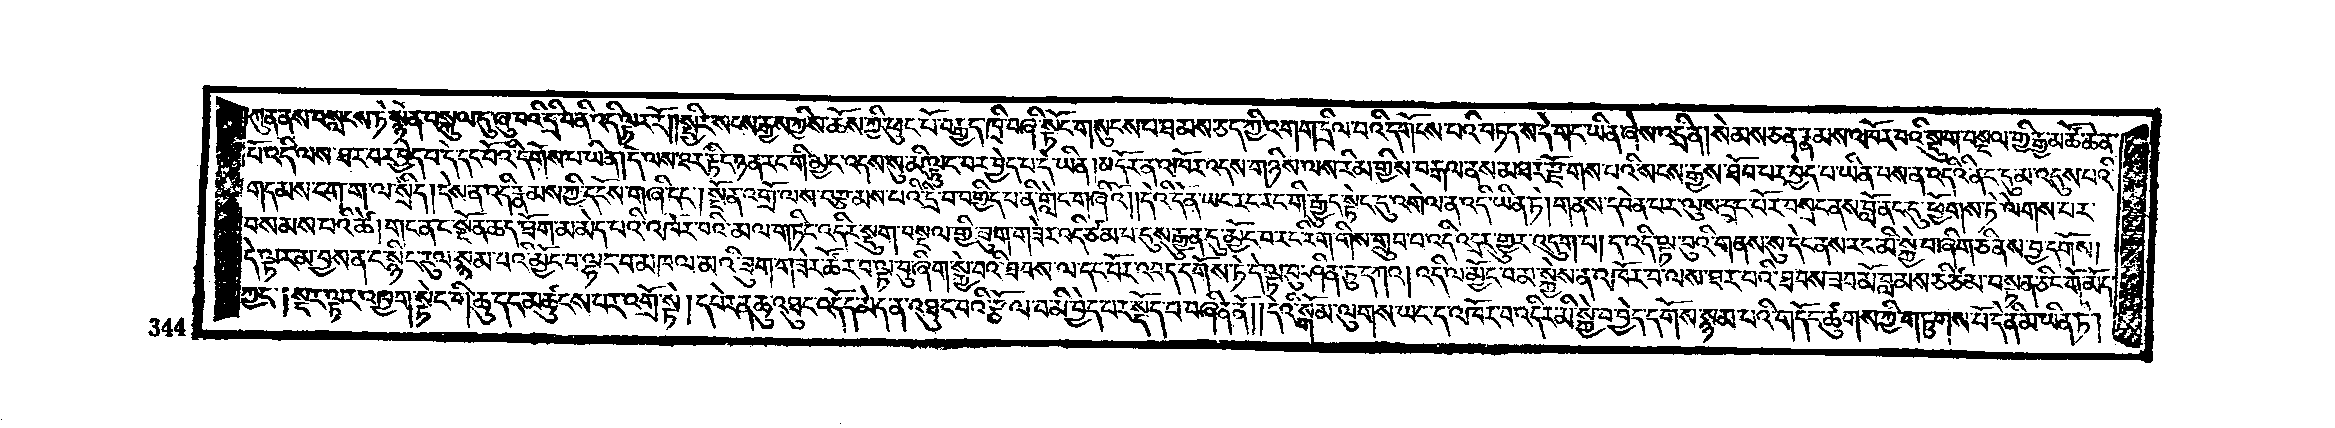ཀུན་ནས་བསླངས་ཏེ་སྙན་བསྐུལ་དུ་ཞུ་བའི་དྲི་བ་ནི་འདི་ལྟར་རོ། །སྤྱིར་སངས་རྒྱས་ཀྱིས་ཆོས་ཀྱི་ཕུང་པོ་བརྒྱད་ཁྲི་བཞི་སྟོང་གསུངས་པ་ཐམས་ཅད་ཀྱི་འགག་དྲིལ་བའི་དགོངས་པའི་བཏང་ས་དེ་གང་ཡིན་ཞེས་འདྲི་ན། སེམས་ཅན་རྣམས་འཁོར་བའི་སྡུག་བསྔལ་གྱི་རྒྱ་མཚོ་ཆེན་
པོ་འདི་ལས་ཐར་བར་བྱེད་པ་དེ་དང་པོའི་དགོས་པ་ཡིན། དེ་ལས་ཐར་རྟིང་ཉན་རང་གི་མྱང་འདས་སུ་མི་ལྟུང་བར་བྱེད་པ་དེ་ཡིན། མདོར་ན་འཁོར་འདས་གཉིས་ལས་རིམ་གྱིས་བརྒལ་ནས་མཐར་རྫོགས་པའི་སངས་རྒྱས་ཐོབ་པར་བྱེད་པ་ཡིན་པས་ན་འདིའི་ནང་དུ་མ་འདུས་པའི་
གདམས་ངག་ག་ལ་སྲིད། དེས་ན་འདི་རྣམས་ཀྱི་དངོས་གཞི་དང་། སྔོན་འགྲོ་ལས་བརྩམས་པའི་དྲི་བ་བགྱིད་པ་ནི་གླེང་གཞིའོ། །དེའི་དོན་ཡང་རང་རང་གི་རྒྱུད་སྟེང་དུ་འགེལ་ན་འདི་ཡིན་ཏེ། གནས་དབེན་པར་ལུས་དྲང་པོར་བསྲང་ནས་བློ་ནང་དུ་ཕྱོགས་ཏེ་ལེགས་པར་
བསམས་པའི་ཚེ། གང་ན་ང་སྔོན་ཆད་ཐོག་མ་མེད་པའི་འཁོར་བའི་མལ་གཏིང་འདིར་སྡུག་བསྔལ་གྱི་ཟུག་གཟེར་འདི་ཙམ་པ་དུས་རྒྱུན་དུ་མྱོང་བ་རང་རིག་གིས་གྲུབ་པ་འདི་འདྲར་གྱུར་འདུག་པ། ད་འདི་ལྟ་བུའི་གནས་སུ་དེང་ནས་རང་མི་སྐྱེ་བ་ཞིག་ཅི་ནས་བྱ་དགོས།
དེ་ལྟར་མ་བྱས་ན་ང་སྙིང་རུལ་སྙམ་པའི་མྱོང་བ་ལྷང་བ་མཁལ་མའི་ཟུག་གཟེར་ཚོར་བ་ལྟ་བུ་ཞིག་སྐྱེ་བའི་ཐབས་ལ་དང་པོར་འབད་དགོས་ཏེ་དེ་ལྟ་བུ་ཤིན་ཏུ་དཀའ། འདི་ལ་མྱོང་བ་མ་སྐྱེས་ན་འཁོར་བ་ལས་ཐར་པའི་ཐབས་ཟབ་མོ་བླ་མས་ཅི་ཙམ་བསྟན་ཅིང་གོ་མོད་
ཀྱང་། སྔར་ལྟར་འཁྱག་སྟེང་གི་ཆུ་དང་མཚུངས་པར་འགྲོ་སྟེ། དཔེར་ན་ཆུ་འཐུང་འདོད་མེད་ན་འཐུང་བའི་རྩོལ་བ་མི་བྱེད་པར་སྡོད་པ་བཞིན་ནོ། །དེའི་སྒོམ་ལུགས་ཡང་ད་འཁོར་བ་འདིར་མི་སྐྱེ་བ་བྱེད་དགོས་སྙམ་པའི་གདོང་ཚུགས་ཀྱི་གཏུགས་པོ་དེ་ནི་མ་ཡིན་ཏེ།